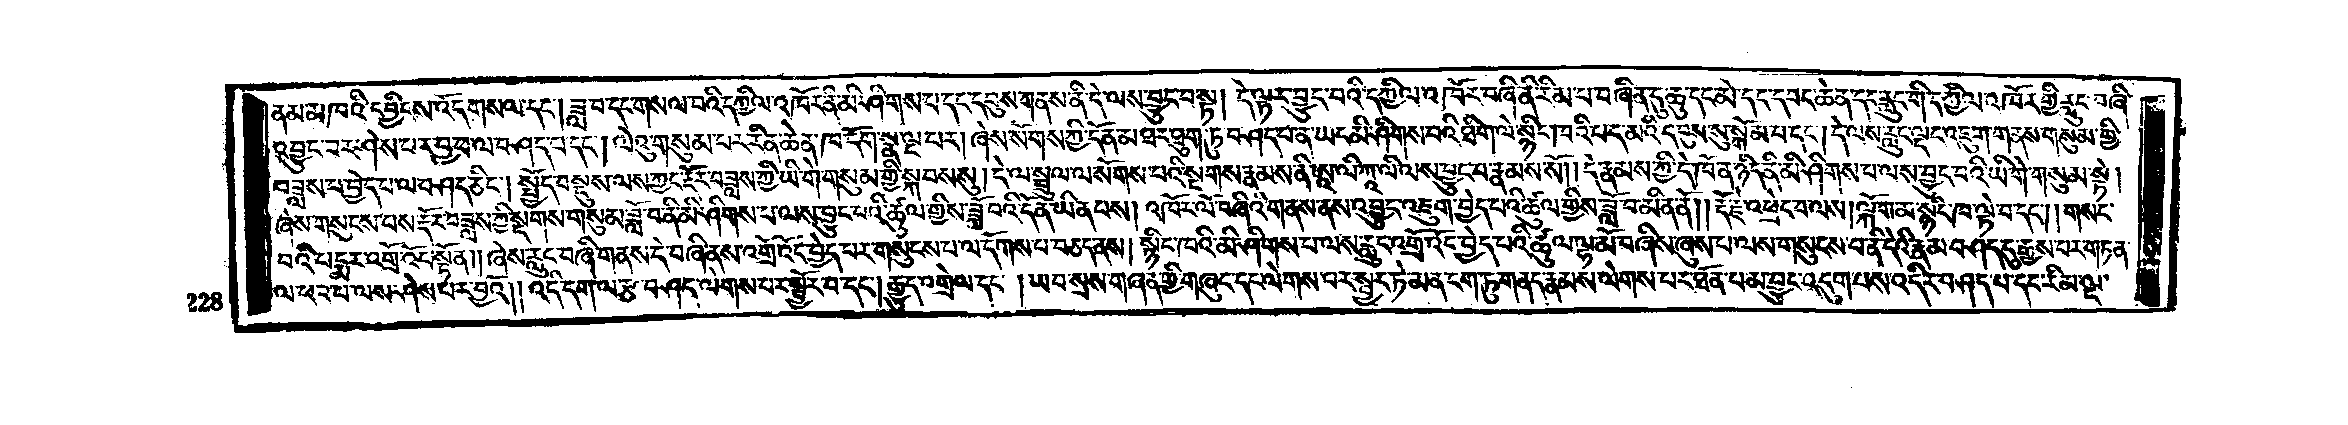ནམ་མཁའི་དབྱིངས་འོད་གསལ་དང་། ཟླ་བ་དང་གསལ་བའི་དཀྱིལ་འཁོར་ནི་མི་ཤིགས་པ་དང་དབུས་གནས་ནི་དེ་ལས་བྱུང་བ་སྟེ། དེ་ལྟར་བྱུང་བའི་དཀྱིལ་འཁོར་བཞི་ནི་རིམ་པ་བཞིན་དུ་ཆུ་དང་མེ་དང་དབང་ཆེན་དང་རླུང་གི་དཀྱིལ་འཁོར་གྱི་རླུང་བཞི་
འབྱུང་བར་ཤེས་པར་བྱ་བ་ལ་བཤད་པ་དང་། ལེའུ་གསུམ་པར་རིན་ཆེན་ཁ་དོག་སྣ་ལྔ་པར། ཞེས་སོགས་ཀྱི་དོན་མཐར་ཐུག་ཏུ་བཤད་པ་ན་ཡང་མི་ཤིགས་པའི་ཐིག་ལེ་སྙིང་ཁའི་པད་མའི་དབུས་སུ་སྒོམ་པ་དང་། དེ་ལས་རླུང་ལྡང་འཇུག་གནས་གསུམ་གྱི་
བཟླས་པ་བྱེད་པ་ལ་བཤད་ཅིང་། སྤྱོད་བསྡུས་ལས་ཀྱང་རྡོར་བཟླས་ཀྱི་ཡི་གེ་གསུམ་གྱི་སྐབས་སུ། དེ་ལ་སྦྲུལ་ལ་སོགས་པའི་སྔགས་རྣམས་ནི་ཨཱ་ལི་ཀཱ་ལི་ལས་བྱུང་བ་རྣམས་སོ། །དེ་རྣམས་ཀྱི་དེ་ཁོ་ན་ཉིད་ནི་མི་ཤིགས་པ་ལས་བྱུང་བའི་ཡི་གེ་གསུམ་སྟེ།
ཞེས་གསུངས་པས་རྡོར་བཟླས་ཀྱི་སྔགས་གསུམ་ཟློ་བ་ནི་མི་ཤིགས་པ་ལས་བྱུང་བའི་ཚུལ་གྱིས་ཟློ་བའི་དོན་ཡིན་པས། འཁོར་ལོ་བཞིའི་གནས་ནས་འབྱུང་འཇུག་བྱེད་པའི་ཚུལ་གྱིས་ཟློ་བ་མིན་ནོ། །རྡོ་རྗེ་འཕྲེང་བ་ལས། ལྐོག་མ་སྙིང་ཁ་ལྟེ་བ་དང་། །གསང་
བའི་པདམར་འགྲོ་འོང་སྟོན། །ཞེས་རླུང་བཞི་གནས་དེ་བཞི་ནས་འགྲོ་འོང་བྱེད་པར་གསུངས་པ་ལ་དོགས་པ་བཅད་ནས། སྙིང་ཁའི་མི་ཤིགས་པ་ལས་རླུང་འགྲོ་འོང་བྱེད་པའི་ཚུལ་ལྷ་མོ་བཞིས་ཞུས་པ་ལས་གསུངས་པ་ནི་དེའི་རྣམ་བཤད་དུ་རྒྱས་པར་གཏན་
ལ་ཕབ་པ་ལས་ཤེས་པར་བྱའོ། །འདི་དག་ལ་རྩ་བཤད་ལེགས་པར་སྦྱོར་བ་དང་། རྒྱུད་འགྲེལ་དང་། ཡབ་སྲས་གཞན་གྱི་གཞུང་དང་ལེགས་པར་སྦྱར་ཏེ་མན་ངག་ཏུ་གནད་རྣམས་ལེགས་པར་ཐོན་པ་མ་བྱུང་འདུག་པས་འདིར་བཤད་པ་དང་རིམ་ལྔ་